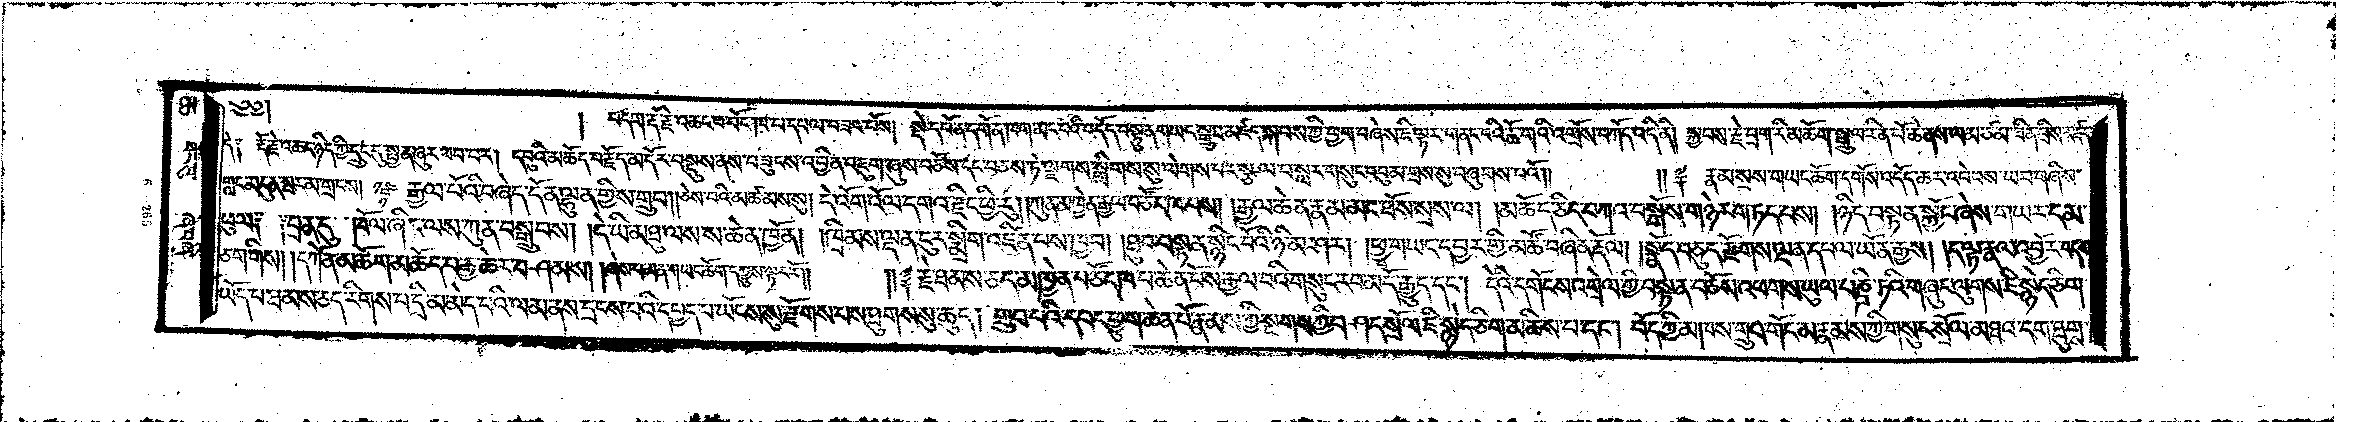༄༅། །བདག་རྡོ་རྗེ་འཆང་ཕ་བོང་ཁ་པ་དཔལ་བཟའ་བོས། སྡེ་དཔོན་དགོན་ཁག་མང་བའི་འདོད་བསྟུན་གཡང་སྒྲུབ་མཛད་སྐབས་ཀྱི་ཕྱག་བཞེས་ཇི་ལྟར་གནང་བའི་ཆོ་གའི་འགྲོས་བཀོད་འདི་ནི། སྐྱབས་རྗེ་བྲག་རི་མཆོག་སྤྲུལ་རིན་པོ་ཆེ་ནས་ལམ་ཙམ་ཟིན་བྲིས་མཛད་
དེ༑ རྡོ་རྗེ་འཆང་ཉིད་ཀྱི་དྲུང་དུ་སྤྱན་ཞུར་བབ་པར། དབུའི་མཆོད་བརྗོད་མདོར་བསྡུས་ནས་བཟུངས་འབྱིན་འཇུག་ཞུས་བཅོས་དང་བཅས་ཏེ་ལྗགས་སྒྲིགས་སུ་ལེགས་པར་སྩལ་པ་སླར་གསུང་འབུམ་གྲས་སུ་བཞུགས་པའོ།། །།༈ རྣམ་སྲས་གཡང་ཆོག་དགོས་འདོད་ཆར་འབེབས་ཡབ་གཞིས་
གླང་མདུན་སྦང་མ་གྲངས། ༡བ༡༤་རྒྱལ་པོའི་བཞེད་དོན་ལྷུན་གྱིས་གྲུབ། ཅེས་པའི་མཚམས་སུ། དེ་འོག་འོལ་དགའ་རྫིང་ཕྱི་རུ། །ཀུན་མཁྱེན་རྒྱལ་བཙོང་ཁ་པས། །རྒྱལ་ཆེན་རྣམ་མང་ཐོས་སྲས་ལ། །མཆོད་ཅིང་བཀའ་བསྒོས་གཉེར་གཏད་པས། །ཉིད་བསྟན་སྐྱོང་ཞེས་གཡར་དམ་
ཕུལ༑ ༑བྲན་དུ་ཁོལ་ཞིར་ལས་ཀུན་བསྒྲུབས། །དེ་ཡི་མཐུ་ལས་ས་ཆེན་ཁྱོན། །ཁྲིམས་ལྡན་ངུར་སྨྲིག་འཛིན་པས་ཁྱབ། །ཐུབ་བསྟན་སྙིང་པོའི་ཉི་མ་ཤར། །ཕྱྭ་གཡང་དབྱར་གྱི་མཚོ་བཞིན་རྡོལ། །སྣོད་བཅུད་རྫོགས་ལྡན་དཔལ་ཡོན་རྒྱས། །ད་ལྟ་རྣལ་འབྱོར་བདག་
ཅག་གིས། །དཀོན་མཆོག་མཆོད་བ་རྒྱ་ཆེར་བཤམས། །ཞེས་པ་མན་གཡང་ཆོག་དཀྱུས་ལྟར་རོ།།  །། ༈ རྗེ་ཐམས་ཅད་མཁྱེན་བཙོང་ཁ་པ་ཆེན་པོས་རྒྱལ་བའི་གསུང་རབ་མདོ་རྒྱུད་དང་། དེའི་དགོངས་འགྲེལ་གྱི་བསྟན་བཅོས་འཕགས་ཡུལ་པཎྜི་ཏའི་གཞུང་ལུགས་ཇི་སྙེད་ཅིག་
ཡོད་པ་ཐམས་ཅད་རིགས་པ་དྲི་མ་མེད་པའི་ལམ་ནས་དྲངས་པའི་དཔྱད་པ་ཡོངས་སུ་རྫོགས་པས་ཐུགས་སུ་ཆུད། གྲུབ་པའི་དབང་ཕྱུག་ཆེན་པོ་རྣམས་ཀྱི་སྔགས་ཀྱི་བཤད་སྲོལ་ཇི་སྙེད་ཅིག་མཆིས་པ་དང་། བོད་ཀྱི་མཁས་གྲུབ་གོང་མ་རྣམས་ཀྱི་གསུང་སྲོལ་མཐའ་དག་ཐུགས་